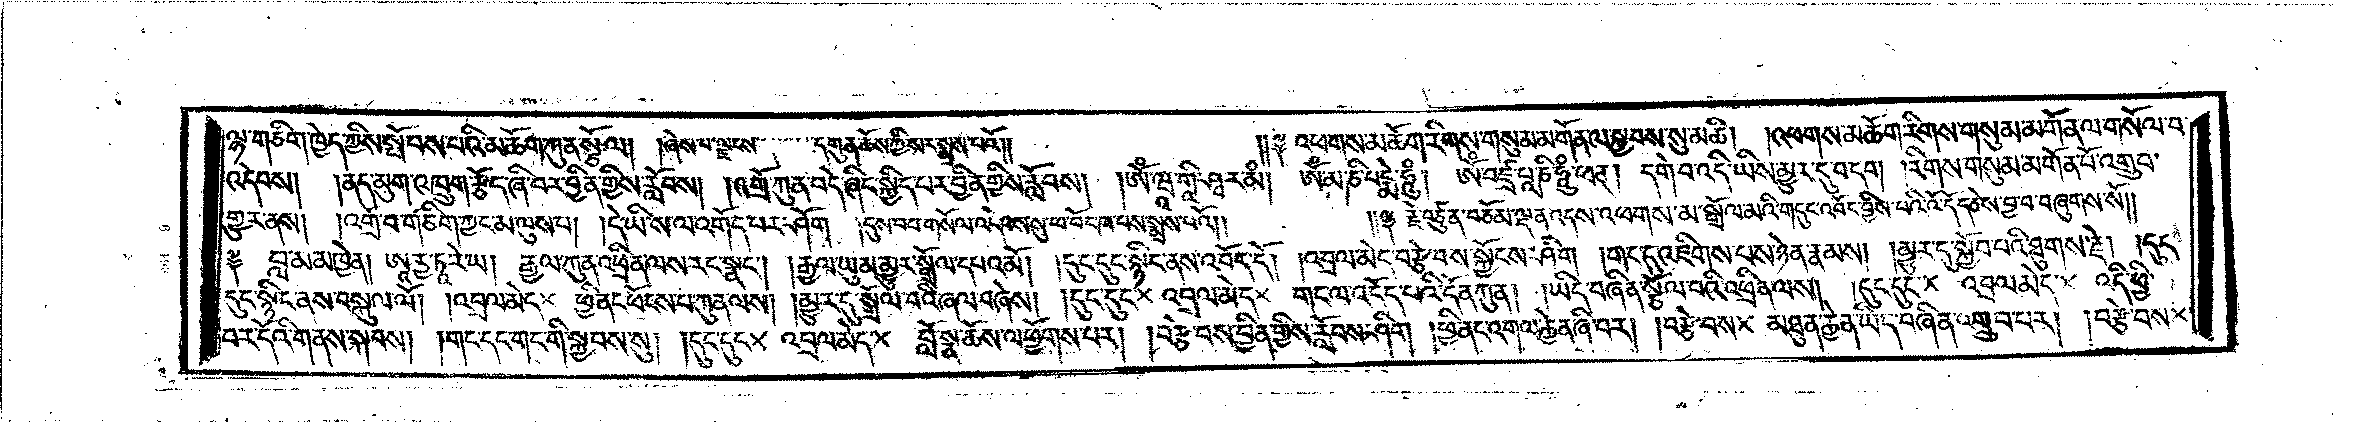ལྷ་གཅིག་ཁྱེད་ཀྱིས་སྤོབས་པའི་མཆོག་ཀུན་སྩོལ། །ཞེས་པ་ལྗངས་དགུན་ཆོས་ཀྱི་སར་སྨྲས་པའོ།།  །།༈ འཕགས་མཆོག་རིགས་གསུམ་མགོན་ལ་སྐྱབས་སུ་མཆི། །འཕགས་མཆོག་རིགས་གསུམ་མགོན་ལ་གསོལ་བ་
འདེབས། །ནད་མུག་འཁྲུག་རྩོད་ཞི་བར་བྱིན་གྱིས་རློབས། །འགྲོ་ཀུན་བདེ་ཞིང་སྐྱིད་པར་བྱིན་གྱིས་རློབས། །ཨོཾ་ཝཱ་གཱི་ཤྭར་མཾ། ཨོཾ་མ་ཎི་པདམེ་ཧཱུཾ། ཨོཾ་བཛྲ་པཱཎི་ཧཱུཾ་ཕཊ། དགེ་བ་འདི་ཡིས་མྱུར་དུ་བདག་རིགས་གསུམ་མགོན་པོ་འགྲུབ་
གྱུར་ནས། །འགྲོ་བ་གཅིག་ཀྱང་མ་ལུས་པ། །དེ་ཡིས་ལ་འགོད་པར་ཤོག །དུས་བབ་གསོལ་འདེབས་སུ་ཕ་བོང་ཁ་པས་སྨྲས་པའོ།། །། ༈ རྗེ་བཙུན་བཅོམ་ལྡན་འདས་འཕགས་མ་སྒྲོལ་མའི་གདུང་འབོད་བྱིས་པའི་འོ་དོད་ཅེས་བྱ་བ་བཞུགས་སོ།།
༈ བླ་མ་མཁྱེན། ཨཱརྱ་ཏཱ་རེ་ཡ། རྒྱལ་ཀུན་འཕྲིན་ལས་རང་སྣང་། །རྒྱལ་ཡུམ་མྱུར་སྒྲོལ་དཔའ་མོ། །དུང་དུང་སྙིང་ནས་འབོད་དོ། །འབྲལ་མེད་བརྩེབས་སྐྱོངས་ཤིག །གང་དུ་འཇིགས་པས་ཉེན་རྣམས། །མྱུར་དུ་སྐྱོབ་པའི་ཐུགས་རྗེ། །དུད་
དུང་སྙིང་ནས་བསྐུལ་ལོ། །འབྲལ་མེད་྾་ཕྱི་ནང་ཕོངས་པ་ཀུན་ལས། །མྱུར་དུ་སྒྲོལ་བའི་ཞལ་བཞེས། །དུང་དུང་྾་འབྲལ་མེད་྾་གང་ལ་འདོད་པའི་དོན་ཀུན། །ཡིད་བཞིན་སྩོལ་བའི་འཕྲིན་ལས། །དུང་དུང་྾་འབྲལ་མེད་྾་འདི་ཕྱི་
བར་དོའི་གནས་སྐབས། །གང་དང་གང་གི་སྐྱབས་སུ། །དུང་དུང་྾་འབྲལ་མེད་྾་བློ་སྣ་ཚོགས་ལ་ཕྱོགས་པར། །བརྩེབས་བྱིན་གྱིས་རློབས་ཤིག །ཕྱིན་ནང་འགལ་རྐྱེན་ཞི་བར། །རྩེ་བས་྾་མཐུན་རྐྱེན་ཡིད་བཞིན་འགྲུབ་པར། །བརྩེ་བས་྾་